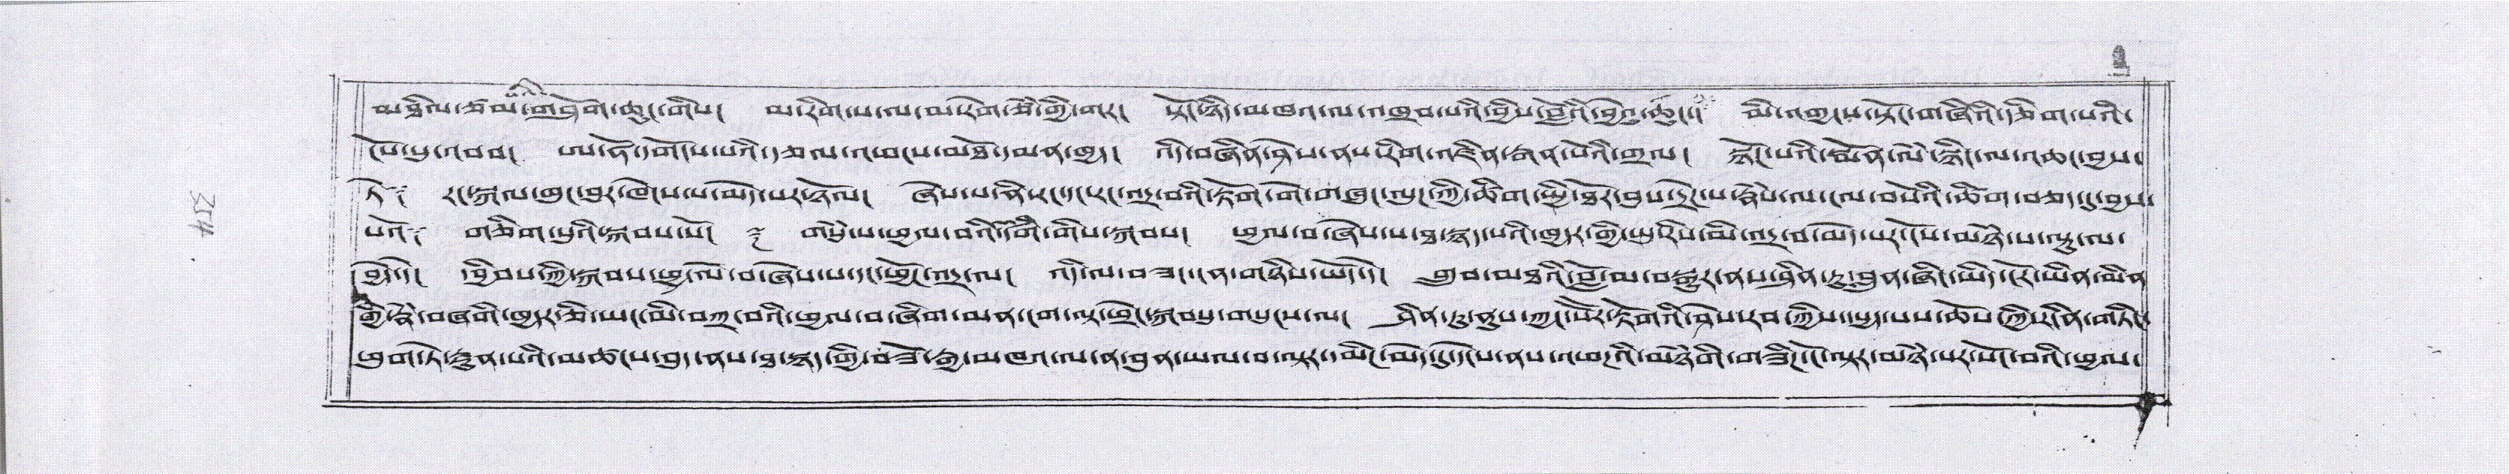མཐིལ་ཙམ་པའི་གཤོག་ཆུང་གིས། མ་རིག་པ་ལ་མ་རེག་ཙམ་གྱི་གར། སྟོང་ཉིད་མ་ཁའ་ལ་འཁྲབ་པའི་བྱིས་བློའི་བྱེའུ་ཆུང། མི་འ༷གྱངས་སྟོང་གཞིའི་རྩིག་པའི་
ངོས་སུ་འབབ། ཨ་ཧོ་དགོངས་པའི་རྩལ་འཕངས་མཐོ་དམན་ཁྱད། འདི་བཞིན་ཤེས་ནས་རིག་འཛིན་རྒན་པོའི་གྲལ། སྙོགས་པའི་སྨོན་ལམ་སྙིང་ལ་འཆང་བྱས་
ཏེ། རང་སྐལ་ཁུང་བུར་ཁེངས་པ་མེད་པར་ཉོལ། ཞེས་པ་ནི་རང་དང་རང་འདྲ་བའི་རྟོག་གེ་གཞུང་ལུགས་ཀྱི་ཚིག་སྤྱི་ཐོར་བུས་དྲེགས་པ་རྣམས་ལ་ངལ་བསོའི་ཚིག་བཅད་དུ་བྱས་
པའོ། གཅིག་པུའི་སྐབས་སོ། ༑ གསུམ་པ་ཕྱལ་བའི་དམ་ཚིག་གིས་སྐབས། ཕྱལ་བ་ཞེས་པ་ཐ་སྙད་པའི་ཁྱད་པར་གྱི་ཡུ་རིས་མི་འདྲ་བ་མེད་པར་ངོས་མཉམ་པ་ལྟ་བུ་ལ་
བྱེད་དེ། དབྱིབས་ཀྱི་སྐབས་ཕྱྭ་ལོ་བ་ཞེས་པ་དང་ཕྱོགས་འདྲ་ལ། འདི་ལ་བཟང་ངན་གཉིས་ཡོད་དེ། གྲུབ་མཐའི་བློ་མ་བསྒྱུར་ནས་ཤིན་ཏུ་བླུན་ཞིང་ཡིད་ངོར་ཡིན་མིན་
གྱི་རྣམ་བཞག་གི་ཁྱད་པར་ཅི་ཡང་མི་བཀྲ་བའི་ཕྱལ་བ་ཞིག་མན་ངག་ལྟ་ཕྲེང་སྐབས་སུ་གསུངས་ལ། ཤིན་ཏུ་ནུས་ཀྱང་སོ་སོར་རྟོགས་པའི་ཤེས་རབ་ཀྱིས་དཔྱད་པས་ཆོས་ཀྱི་རང་བཞིན་གཏིང་
ཕུག་ཏེ་རྫུན་པའི་མཚངས་བུད་ནས་ཐ་སྙད་ཀྱི་བཟོ་རྒྱ་མཁའ་ལ་ན་བུན་ཡལ་བ་ལྟར་དམིགས་མེད་དུ་དེངས་ནས་འཕགས་པའི་མཉམ་བཞག་གི་གཟིགས་ངོ་ལྟར་མཉམ་པར་སོང་བའི་ཕྱལ་